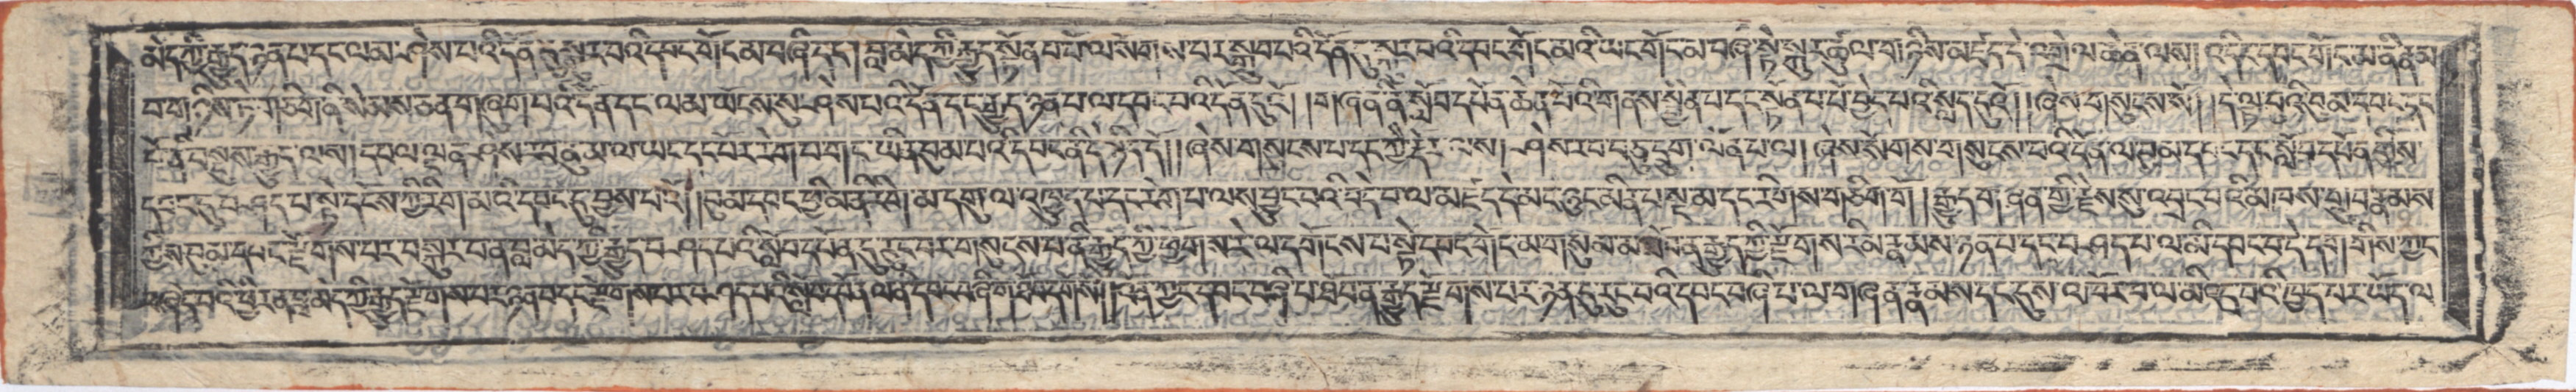མེད་ཀྱི་རྒྱུད་ཉན་པ་དང་ལམ་ཤེས་པའི་དོན་དུ་སྐུར་བའི་དབང་གོང་མ་བཞི་དང་། བླ་མེད་ཀྱི་རྒྱུད་སྟོན་པ་པོ་ལ་སོགས་པར་སྒྲུབ་པའི་དོན་དུ་སྐུར་བའི་དབང་གོང་མའི་ཡང་གོང་མ་བཞི་སྟེ་སྐུར་ཚུལ་གཉིས་མཛད་དེ་འགྲེལ་ཆེན་ལས། འདིར་དབང་གོང་མ་ནི་རྣམ་
པ་གཉིས་ཏེ་གཅིག་ནི་སེམས་ཅན་གཞུག་པའི་དོན་དང་ལམ་ཡོངས་སུ་ཤེས་པའི་དོན་དང་རྒྱུད་ཉན་པ་ལ་དབང་པའི་དོན་དུའོ། །གཞན་ནི་སློབ་དཔོན་ཆེན་པོའི་གནས་སྦྱིན་པ་དང་སྟོན་པ་པོ་བྱེད་པའི་སླད་དུའོ། །ཞེས་གསུངས་སོ། །དེ་ལྟ་བུའི་བུམ་དབང་དང་
པོ་ནི་བསྡུས་རྒྱུད་ལས། དཔལ་ལྡན་ཤེས་རབ་ནུ་མ་ལ་ཡང་དང་པོར་རེག་པ་གང་ཡིན་བུམ་པའི་དབང་ནི་དེ་ཉིད་དོ། །ཞེས་གསུངས་པ་དང་ཀྱཻ་རྡོར་ལས། ཤེས་རབ་བཅུ་དྲུག་ལོན་པ་ལ། ཞེས་སོགས་གསུངས་པའི་དོན་ལ་བུམ་དབང་དང་སློབ་དཔོན་གྱིས་
དབང་དུ་བཤད་པ་སྟེ་དངོས་ཀྱི་རིག་མའི་དབང་དུ་བྱས་པའོ། །བུམ་དབང་ཕྱི་མ་ནི་རིག་མ་དགུ་ལ་འཁྱུད་པ་དང་རེག་པ་ལས་བྱུང་བའི་བདེ་བ་ལ་མཛད་དེ་མང་ཉུང་མིན་པ་སྔ་མ་དང་རིགས་གཅིག་གོ །རྒྱུད་གཞན་གྱི་རྗེས་སུ་འབྲང་བའི་མཁས་གྲུབ་རྣམས་
ཀྱིས་བུམ་དབང་རྫོགས་པར་བསྐུར་བ་ན་བླ་མེད་ཀྱི་རྒྱུད་བཤད་པའི་སློབ་དཔོན་དུ་རུང་བར་གསུངས་པ་ནི་རྒྱུད་ཀྱི་ཕྱོགས་རེ་ལ་དགོངས་པ་སྟེ་དབང་གོང་མ་གསུམ་མ་ཐོབ་ན་རྒྱུད་ཀྱི་རྫོགས་རིམ་རྣམས་ཉན་པ་དང་བཤད་པ་ལ་མི་དབང་བ་དེ་དག་གིས་ཀྱང་
བཞེད་པའི་ཕྱིར་ན་བླ་མེད་ཀྱི་རྒྱུད་རྫོགས་པར་ཉན་པ་དང་རྫོགས་པར་བཤད་པའི་སློབ་དཔོན་ལ་ནི་དབང་བཞི་ག་ཐོབ་དགོས་སོ། །འོན་ཀྱང་དབང་བཞི་པ་ཐོབ་ན་རྒྱུད་རྫོགས་པར་ཉན་དུ་རུང་བའི་དབང་བཞི་པ་ལ་གཞན་རྣམས་དང་དུས་འཁོར་བ་ལ་མི་འདྲ་བའི་ཁྱད་པར་ཡོད་ལ་